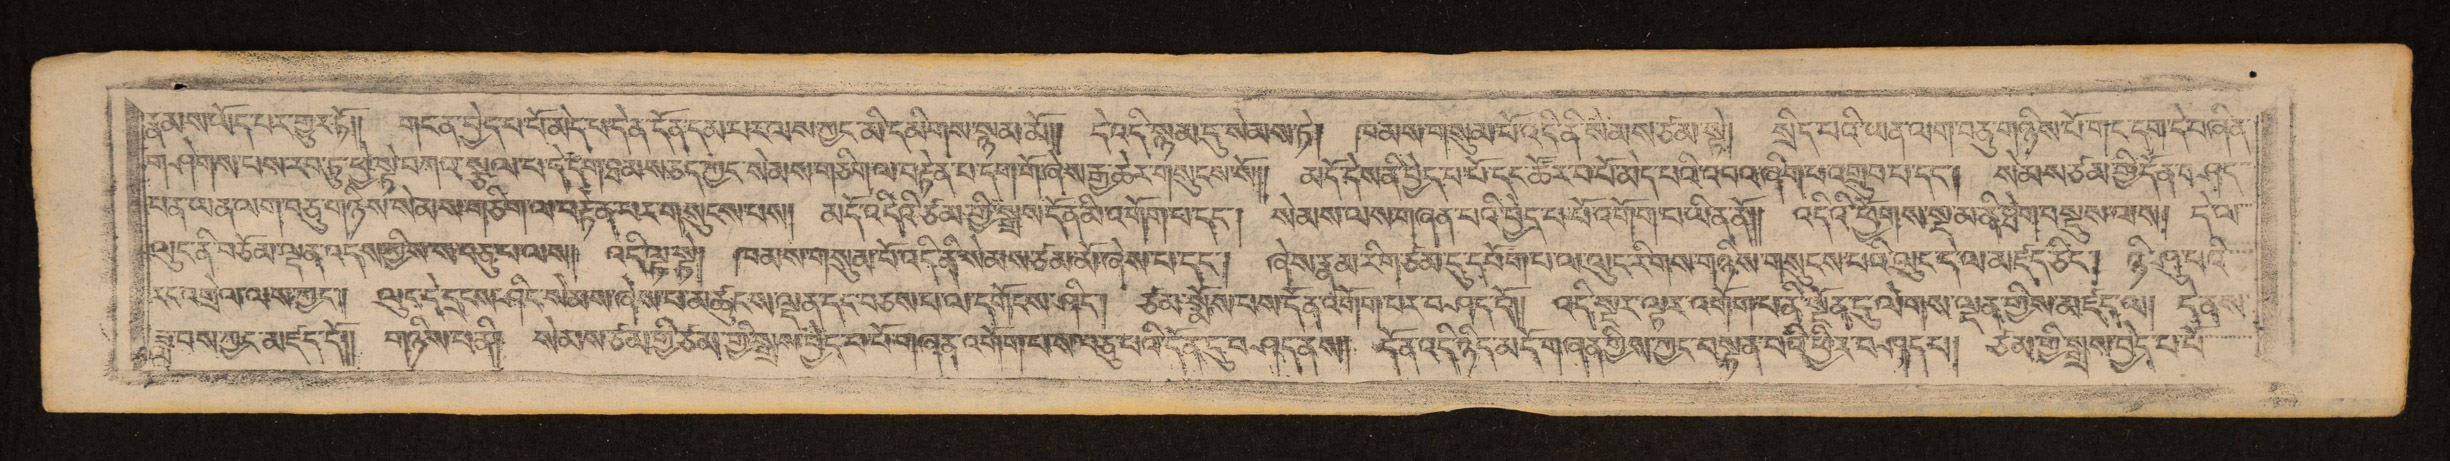རྣམས་ཡོད་པར་གྱུར་ཏོ།། གང་ན་བྱེད་པ་པོ་མེད་པ་དེ་ན་དོན་དམ་པར་ལས་ཀྱང་མི་དམིགས་སྙམ་མོ།། དེ་འདི་སྙམ་དུ་སེམས་ཏེ། ཁམས་གསུམ་པོ་འདི་ནི་སེམས་ཙམ་སྟེ། སྲིད་པའི་ཡན་ལག་བཅུ་གཉིས་པོ་གང་དག་དེ་བཞིན་
གཤེགས་པས་རབ་ཏུ་ཕྱེ་སྟེ་བཀའ་སྩལ་པ་དེ་དག་ཐམས་ཅད་ཀྱང་སེམས་གཅིག་ལ་བརྟེན་པ་དག་གོ་ཞེས་རྒྱ་ཆེར་གསུངས་སོ།། མདོ་དེས་ནི་བྱེད་པ་པོ་དང་ཚོར་བ་པོ་མེད་པའི་འབའ་ཞིག་པ་འགྲུབ་པ་དང་། སེམས་ཙམ་གྱི་དོན་བཤད་
པ་ན་ཡན་ལག་བཅུ་གཉིས་སེམས་གཅིག་ལ་བརྟེན་པར་གསུངས་པས། མདོ་འདིའི་ཙམ་གྱི་སྒྲས་དོན་མི་འགོག་པ་དང་། སེམས་ལས་གཞན་པའི་བྱེད་པ་པོ་འགོག་པ་ཡིན་ནོ།། འདིའི་ཕྱོགས་སྔ་མ་ནི་ཐེག་བསྡུས་ལས། དེ་ལ་
ལུང་ནི་བཅོམ་ལྡན་འདས་ཀྱིས་ས་བཅུ་པ་ལས། འདི་ལྟ་སྟེ། ཁམས་གསུམ་པོ་འདི་ནི་སེམས་ཙམ་མོ་ཞེས་པ་དང་། ཞེས་རྣམ་རིག་ཙམ་དུ་དཔོག་པ་ལ་ལུང་རིགས་གཉིས་གསུངས་པའི་ལུང་དེ་ལ་མཛད་ཅིང་། ཉི་ཤུ་པའི་
རང་འགྲེལ་ལས་ཀྱང་། ལུང་དེ་དྲངས་ཤིང་སེམས་ཞེས་པ་མཚུངས་ལྡན་དང་བཅས་པ་ལ་དགོངས་ཤིང་། ཙམ་སྨོས་པས་དོན་འགོག་པར་བཤད་དོ།། འདི་སྔར་ལྟར་འགོག་པ་ནི་སྔོན་དུ་ལེགས་ལྡན་གྱིས་མཛད་ལ། དེ་ནས་
ཟླ་བས་ཀྱང་མཛད་དོ།། གཉིས་པ་ནི། སེམས་ཙམ་གྱི་ཙམ་གྱི་སྒྲས་བྱེད་པ་པོ་གཞན་འགོག་པ་ས་བཅུ་པའི་དོན་དུ་བཤད་ནས། དོན་འདི་ཉིད་མདོ་གཞན་གྱིས་ཀྱང་བསྟེན་པའི་ཕྱིར་བཤད་པ། ཙམ་གྱི་སྒྲས་བྱེད་པ་པོ་